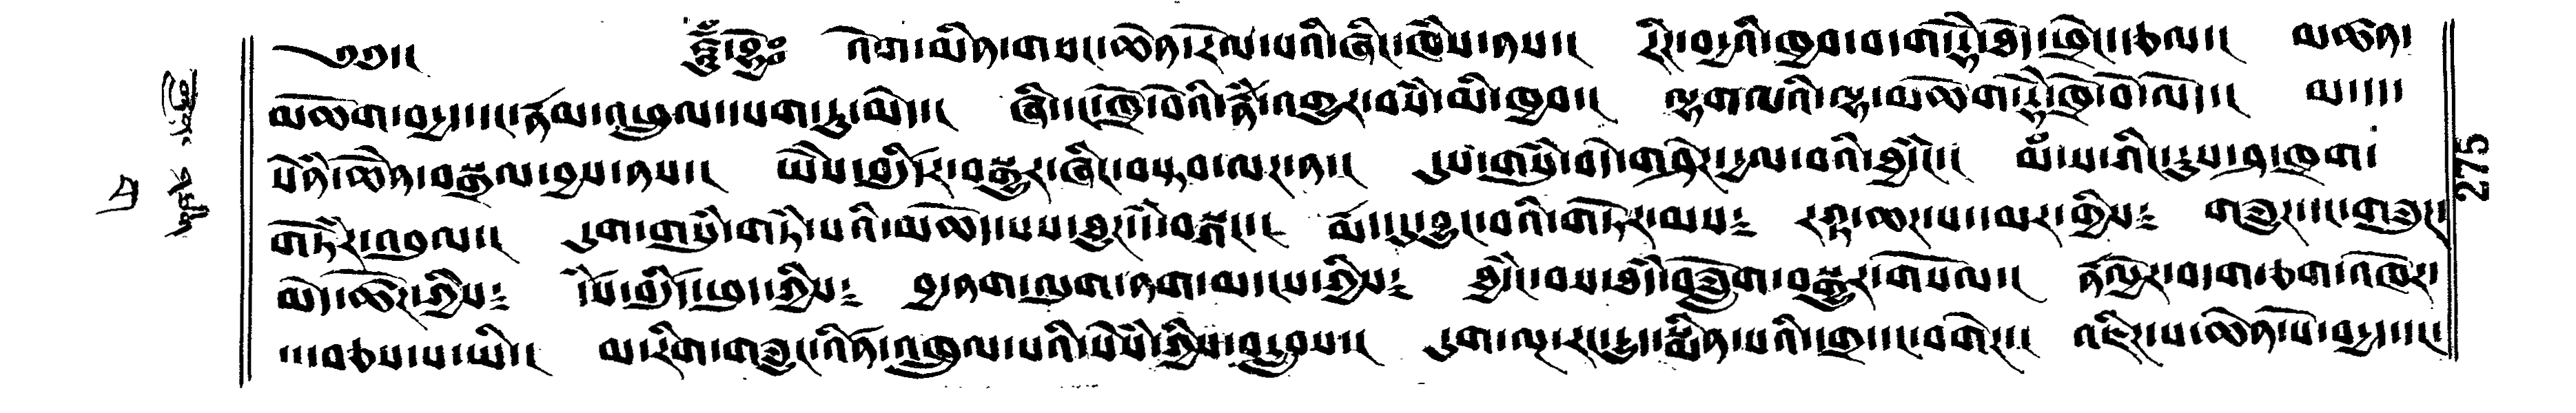ཧཱུྃ་བྷྱོཿ འོག་མིན་གསང་ཆེན་རོལ་པའི་ཞིང་ཁམས་ནས། །རིགས་བརྒྱའི་ཁྱབ་བདག་རྡོ་རྗེ་ཐོད་ཕྲེང་རྩལ། །མཚན་
མཆོག་བརྒྱད་དང་རྣམ་འཕྲུལ་དཔག་ཏུ་མེད། །ཞི་དང་ཁྲོ་བོའི་རྣམ་འགྱུར་བསམ་མི་ཁྱབ། ལྷག་པའི་ལྷ་མཆོག་རྡོ་རྗེ་གྲོ་བོ་ལོད། །མ་དད་
སེམས་ཅན་ཆེན་པོ་བསྒྲལ་བྱས་ནས། །ཡེ་ཤེས་བདུད་རྩིར་བསྒྱུར་ཅིང་བསྟབ་ལགས་ན། །དུས་བསུམ་བདེ་གཤེགས་རྒྱལ་བའི་ཐུགས་དམ་བསྐང་། །མཾ་ས་ཀེང་རུས་ཤ་ཁྲག་
གཏོར་མ་འབུལ། །དུག་གསུམ་གཏམ་པའི་མཆོད་པས་ཐུགས་དམ་བསྐང་། །རྨད་དུ་བྱུང་བའི་གཏཽར་མས་ཐུགས་དམ་བསྐང་། །རཀྟ་ཆགས་པ་དམར་གྱིས་ཐུགས་དམ་བསྐང་།།གཟུགས་དང་གཟུགས་
མེད་ཚོགས་ཀྱིས་ཐུགས་དམ་བསྐང་། །དམ་རྫས་བདུད་རྩིའི་ཕུད་ཀྱིས་ཐུགས་དམ་བསྐང་། །བྱ་ནག་ལུག་ནག་མདངས་ཀྱིས་ཐུགས་དམ་བསྐང་། །ཐུགས་དམ་བསྐང་བས་ཐམས་ཅད་བཟློག་བསྒྱུར་གསོལ། །རྣལ་འབྱོར་བདག་ཅག་འཁོར་
དང་བཅས་པ་ཡི། །མ་རིག་གཟུང་འཛིན་འཁྲུལ་པའི་སེམས་ཀྱིས་བརླབས། །དུག་ལྔ་རང་རྒྱུད་སྨིན་པའི་དགྲ་དང་བགེགས། །འཇིགས་པ་ཆེན་པོ་བརྒྱད་དང་